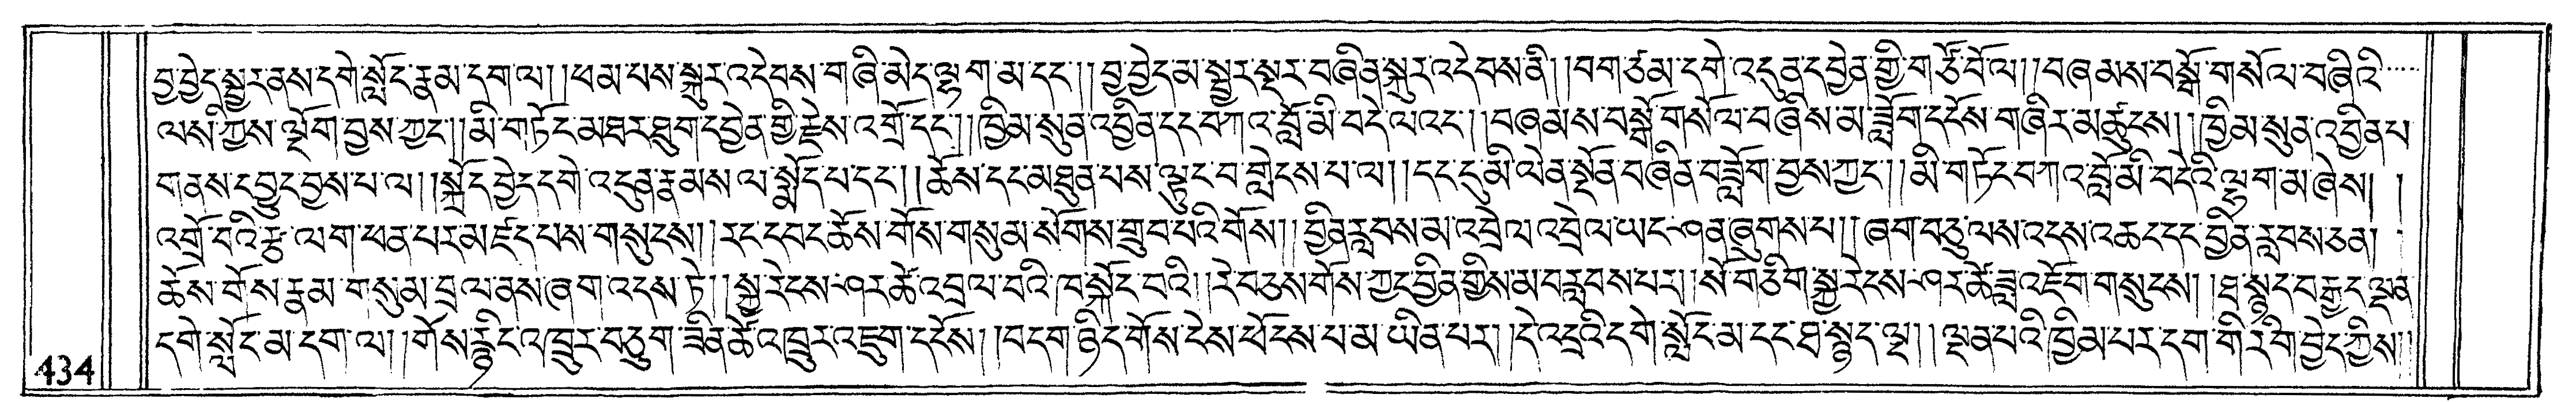བྱ་བྱེད་སྦྱར་ནས་དགེ་སློང་རྣམ་དག་ལ། །ཕམ་པས་སྐུར་འདེབས་གཞི་མེད་ལྷག་མ་དང་། །བྱ་བྱེད་མ་སྦྱར་སྔར་བཞིན་སྐུར་འདེབས་ནི། །བག་ཙམ་དགེ་འདུན་དབྱེན་གྱི་གཙོ་བོ་ལ། །བཞམས་བསྒོ་གསོལ་བཞིའི་
ལས་ཀྱིས་ལྡོག་བྱས་ཀྱང་། །མི་གཏོང་མཐར་ཐུག་དབྱེན་གྱི་རྗེས་འགྲོ་དང་། །ཁྱིམ་སུན་འབྱིན་དང་བཀའ་བློ་མི་བདེ་ལའང་། །བཞམས་བསྒོ་གསོལ་བཞིས་མ་ཟློག་དངོས་གཞིར་མཚུངས། །ཁྱིམ་སུན་འབྱིན་པ་
གནས་དབྱུང་བྱས་པ་ལ། །སྐྲོད་བྱེད་དགེ་འདུན་རྣམས་ལ་སྨོད་པ་དང་། །ཆོས་དང་མཐུན་པས་ལྟུང་བ་གླེངས་པ་ལ། །དང་དུ་མི་ལེན་སྔོན་བཞིན་བཟློག་བྱས་ཀྱང་། །མི་གཏོང་བཀའ་བློ་མི་བདེའི་ལྷག་མ་ཞེས། །
འགྲོ་བའི་རྩ་ལག་ཕན་པར་མཛད་པས་གསུངས། །རང་དབང་ཆོས་གོས་གསུམ་སོགས་གྲུབ་པའི་གོས། །བྱིན་རླབས་མ་འབྲེལ་འབྲེལ་ཡང་ཤན་ཞུགས་པ། །ཞག་བཅུ་ལས་འདས་འཆང་དང་བྱིན་རླབས་ཅན། །
ཆོས་གོས་རྣམ་གསུམ་བྲལ་ནས་ཞག་འདས་ཏེ། །སྐྱ་རེངས་ཤར་ཚེ་འབྲལ་བའི་ཁ་སྐོང་བའི། །རེ་བཅས་གོས་ཀྱང་བྱིན་གྱིས་མ་བརླབས་པར། །སོ་གཅིག་སྐྱ་རེངས་ཤར་ཚེ་ཟླ་འཇོག་གསུངས། །ཐ་སྙད་བརྒྱད་ལྡན་
དགེ་སློང་མ་དག་ལ། །གོས་རྙིང་འཁྲུར་བཅུག་ཟིན་ཚེ་འཁྲུར་འཇུག་དངོས། །བདག་ཉིད་གོས་ངེས་ཕོངས་པ་མ་ཡིན་པར། །དེ་འདྲའི་དགེ་སློང་མ་དང་ཐ་སྙད་ལྔ། །ལྡན་པའི་ཁྱིམ་པར་དག་གི་རིག་བྱེད་ཀྱིས། །